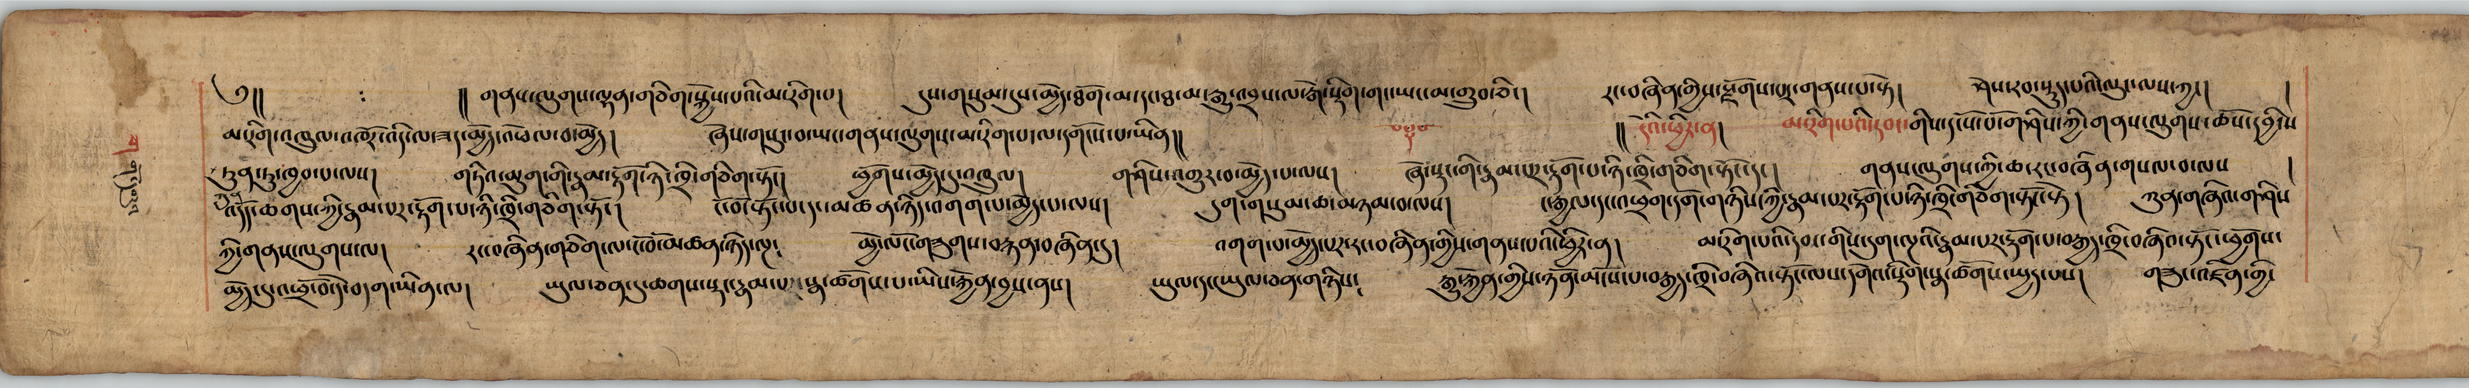༅།། །།གནས་ལུགས་ལྷན་གཅིག་སྐྱེས་པའི་མ་རིག་པ། དུས་གསུམ་དུས་མྱེད་ཐོག་མ་དང་ཐ་མ་རྒྱུ་འབྲས་ལ་རྒེ་སྡིག་གང་ཡང་མ་གྲུབ་ཅིང། རང་བཞིན་གྱིས་སྫོགས་པར་གནས་པ་སྟེ། ཤེས་རབ་སྡུད་པའི་ལུང་ལས་ཀྱང།
མ་རིག་འཁྲུལ་འཁོར་འདི་ལ་ཟད་མྱེད་འཕེལ་བ་མྱེད། ཞེས་གསུང་བ་ཡང་གནས་ལུགས་མ་རིག་པ་ལ་དགོངས་པ་ཡིན།། །། དེའི་ཕྱིར་ན། མ་རིག་པའི་དབང་གིས་དངོས་པོ་གཤིས་ཀྱི་གནས་ལུགས་ཆོས་དབྱིངས
ཏུན་ཏུ་ཁྱབ་པ་ལས། གཏིའ་མུག་གི་རྣམ་རྟོག་ཉི་ཁྲི་གཅིག་སྟོང། ཕྱོགས་མྱེད་དུ་འཁྲུལ། གཤིས་འགྱུར་བ་མྱེད་པ་ལས། ཞེ་སྡང་གི་རྣམ་པར་རྟོག་པ་ཉི་ཁྲི་གཅིག་སྟོང་དང། གནས་ལུགས་ཀྱི་ཆ་རང་བཞིན་གསལ་བ་ལས
འདོད་ཆགས་ཀྱི་རྣམ་པར་རྟོག་པ་ཉི་ཁྲི་གཅིག་སྟོང། ངོ་བོ་སྟོང་པ་དང་མཚན་ཉིད་འགག་པ་མྱེད་པ་ལས། དུག་གསུམ་ཆ་མཉམ་བ་ལས། ང་རྒྱལ་དང་འཕྲག་དོག་གཉིས་ཀྱི་རྣམ་པར་རྟོག་པ་ཉི་ཁྲི་གཅིག་སྟོང་སྟེ། ཀུན་གཞིའ་གཤིས
ཀྱི་གནས་ལུགས་ལ། རང་བཞིན་གཅིག་ལ་ངོ་བོ་མཚན་ཉིད་ལྔ༴ མྱེ་ལོང་གཟུགས་བརྙན་བཞིན་དུ། འགག་པ་མྱེད་པར་རང་བཞིན་གྱིས་གནས་པའི་ཕྱིར་ན། མ་རིག་པའི་དབང་གིས་དུག་ལྔའི་རྣམ་པར་རྟོག་པ་བརྒྱད་ཁྲི་བཞིའ་སྟོང་ཕྱོགས་
མྱེད་དུ་འཕྲོ་བ་དེ་བདག་ཡིན་ལ། ཡུལ་ཅན་དུ་ཆགས་སྡང་རྣམ་པར་སྣ་ཚོགས་པ་ཡིས་རྐྱེན་བྱས་ནས། ཡུལ་དང་ཡུལ་གཉིས། རྒྱུ་རྐྱེན་གྱིས་ཉོན་མོངས་བརྒྱད་ཁྲི་བཞིའ་སྟོང་ལས་དགེའ་སྡིག་སྣ་ཚོགས་སྤྱད་པས། གཟུང་འཛིན་གྱི་